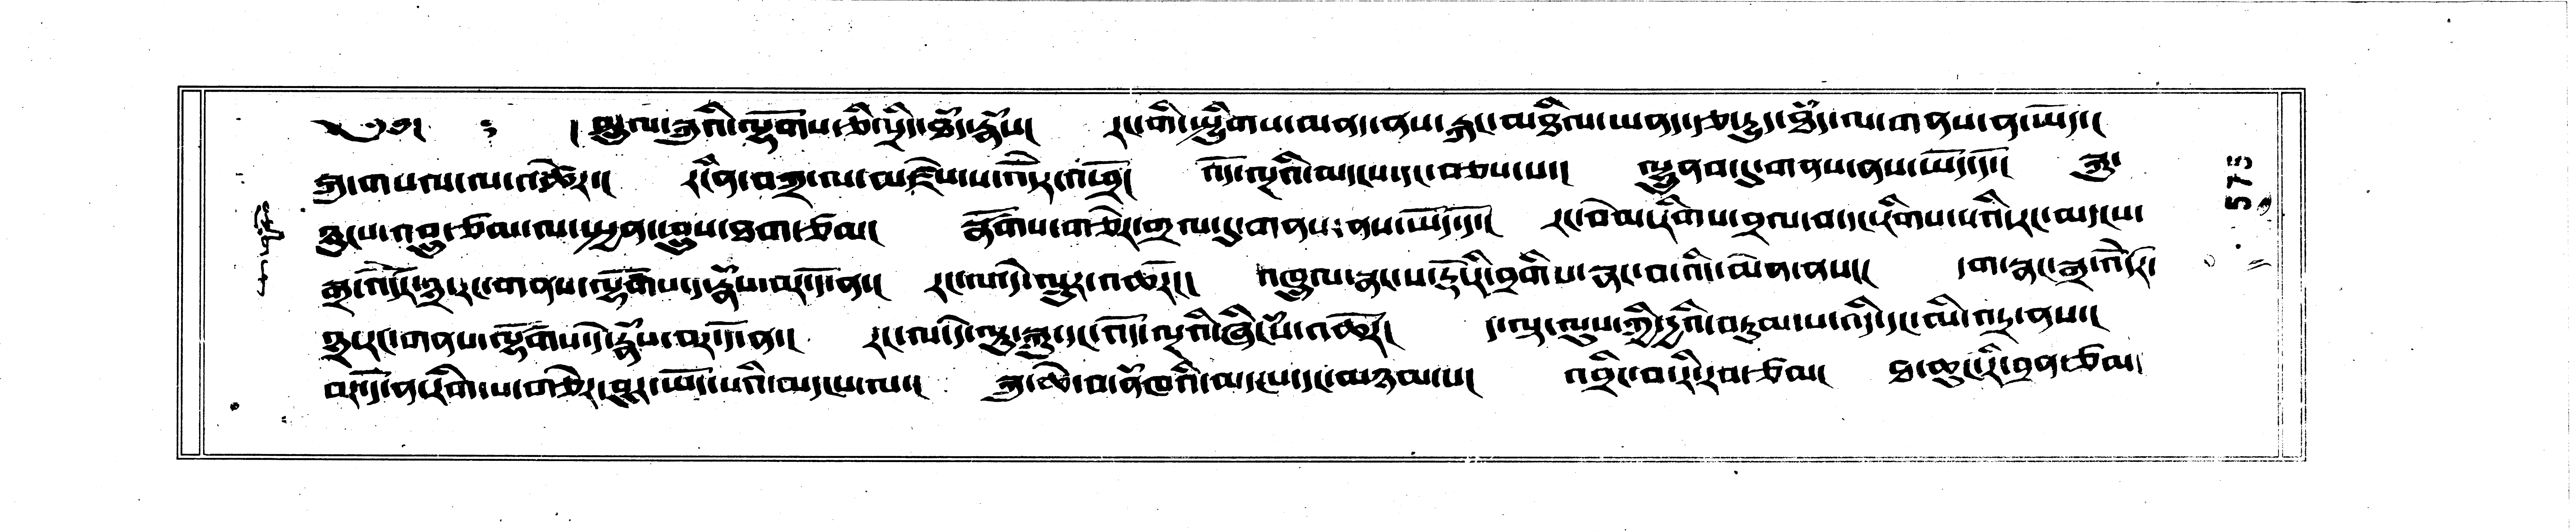ལྷ་ཚོགས་ཅི་སྲིད་ཐམས་ཅད་རྣམས། རང་གི་སྤྱིི་གཙུག་མན་ཆད་ནས། རྐང་མཐིལ་ཡན་ཆད་རྩ་རྒྱུད་ཐམས་ཅད་ལ་གནས་ནས་ཡོད། 
སྐུ་གསལ་ལ་འཚེར་བ། རང་བཞིན་སྐྲ་༼བཀྲ༽ལ་མཛེས་པ་འོད་ཟེར་འཕྲོ་བ། འོད་ལྔའི་མདངས་དང་བཅས་པ། ལྷུན་གྲུབ་དུ་གནས་ཡོད་དོ། སྐུ་
ཉུངས་འབྲུ་ཙམ་ལ་སྤྱན་ཕུས་”ཕྲུས”ཐག་ཙམ། སྣ་ཚོགས་གཅེར་གྲོལ་དུ་གནས་ནས་ཡོད་དོ། རང་བེམ་རིག་བྲལ་བ་དང་རིག་པའི་རང་མདངས། 
སྒྲ་འོད་ཟེར་གསུམ་རང་གནས་ལྷ་ཚོགས་དེ་རྣམས་བར་དོ་ན། རང་ལ་དེ་ལྟ་བུ་འཆར་རོ། འཁྲུལ་སྣང་ས་རྡོ་རི་བྲག་གི་སྣང་བ་འདི་མེད་ནས། དག་སྣང་སྒྲ་འོད་
ཟེར་གསུམ་རང་གནས་ལྷ་ཚོགས་དེ་རྣམས་བར་དོ་ནས། རང་ལ་དེ་ལྟ་བུའི་སྐུ་དང་འོད་ལྔའི་ཞིང་ཁམས་འཆར་རོ། ད་ལྟ་ལུས་ཀྱི་རྒྱའི་བཏུམ་པ་འདི་དང་མི་འདྲ་ནས། 
བར་དོ་ན་རིག་པ་གཅེར་བུར་ཡོད་པའི་མདངས་ལ། སྐུ་ཆེ་བ་ནམ་མཁའ་མཐའ་དང་མཉམ་པ། འབྲིང་བ་རི་རབ་ཙམ། ཐ་ཆུང་རི་ཕྲན་ཙམ།